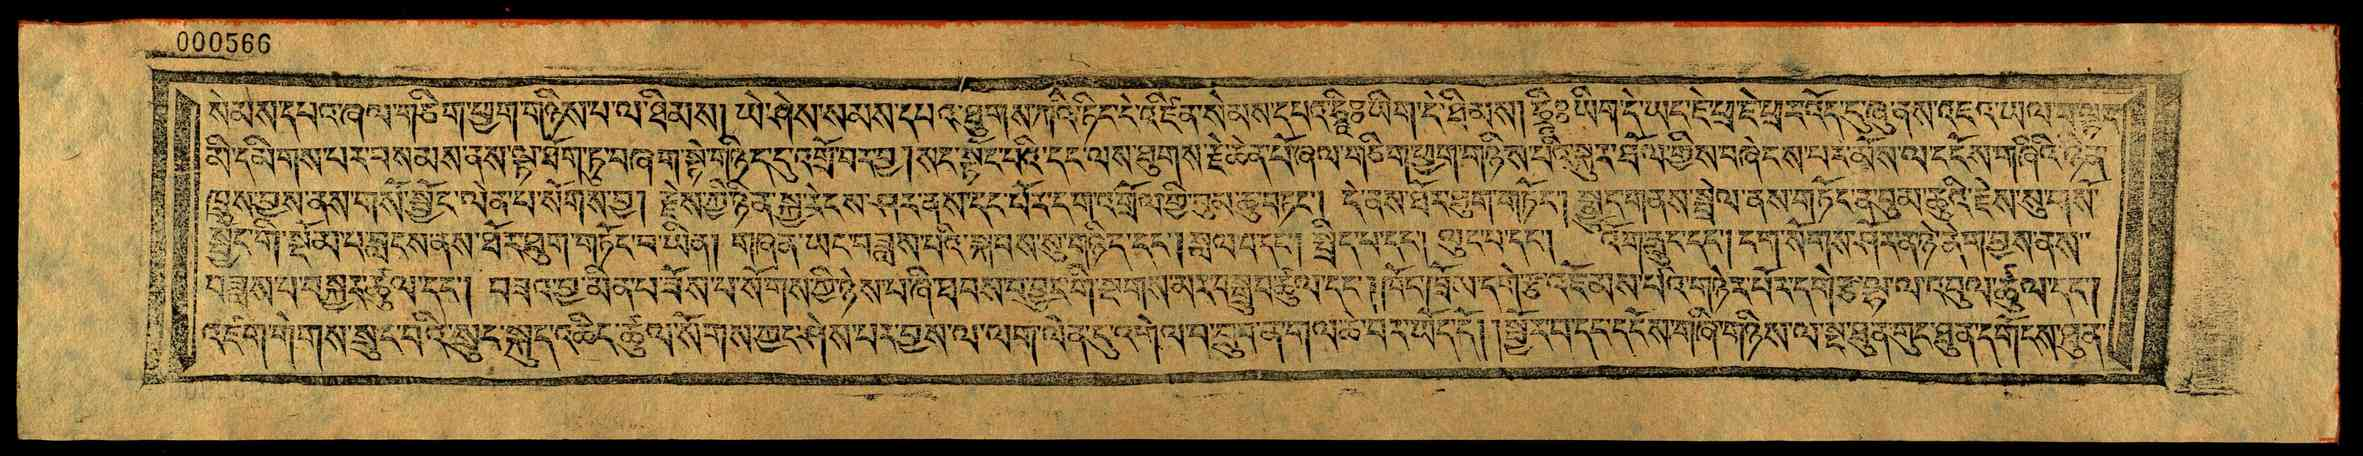སེམས་དཔའ་ཞལ་གཅིག་ཕྱག་གཉིས་པ་ལ་ཐིམས། ཡེ་ཤེས་སེམས་དཔའ་ཐུགས་ཀའི་ཏིང་ངེ་འཛིན་སེམས་དཔའ་ཧྲཱིཿ ཡིག་ལ་ཐིམས། ཧྲཱིཿ ཡིག་དེ་ཡང་ཇེ་ཕྲ་ཇེ་ཕྲར་འོད་དུ་ཞུ་ནས་འཇའ་ཡལ་བ་ལྟར་
མི་དམིགས་པར་བསམས་ནས་ལྟ་ཐོག་ཏུ་བཞག་སྟེ་གཉིད་དུ་འགྲོ་བར་བྱ། སང་སྟོང་པའི་ངང་ལས་ཐུགས་རྗེ་ཆེན་པོ་ཞལ་གཅིག་ཕྱག་གཉིས་པའི་སྐུར་ཐོལ་གྱིས་བཞེངས་པར་མོས་ལ་དངོས་གཞིའི་ཉིན་
ཁྲུས་བྱས་ནས་གསོ་སྤྱོད་ལེན་པ་སོགས་བྱ། རྗེས་ཀྱི་ཉིན་སྐྱ་རེངས་ཤར་ནས་དང་པོར་དག་འགྲོལ་གྱི་བུམ་ཆུ་བཏང་། དེ་ནས་ཐོར་ཐུག་གཏོང་། སྨྱུང་གནས་སྦྲེལ་ནས་གཏོང་ན་བུམ་ཆུའི་རྗེས་སུ་གསོ་
སྦྱོང་གི་སྡོམ་པ་བླངས་ནས་ཐོར་ཐུག་གཏོང་བ་ཡིན། གཞན་ཡང་བཟླས་པའི་སྐབས་སུ་གཉིད་དང་། གླལ་བ་དང་། སྤྲིད་པ་དང་། ལུད་པ་དང་། འོག་རླུང་དང་། ངག་སོགས་ཤོར་ན་ཉེ་རིག་བྱས་ནས་
བཟླས་པ་བསྐྱར་ཚུལ་དང་། བཟའ་བྱ་མིན་པ་ཟོས་པ་སོགས་ཀྱི་ཉེས་པ་ཞི་ཐབས་བ་བྱུང་གི་སྔགས་མང་བསྒྲུབ་ཚུལ་དང་། ཁོང་ཁྲོས་དགེ་རྩ་འཇོམས་པའི་གཉིན་པོར་དགེ་རྩ་ལྷ་ལ་འབུལ་ཚུལ་དང་།
འཛག་གེགས་སྲུང་པའི་སྲུང་སྐུད་འཆིང་ཚུལ་སོགས་ཀྱང་ཤེས་པར་བྱས་ལ་ལག་ལེན་དུ་འགེལ་བ་གྲུབ་ན་གལ་ཆེ་བར་ཡོད་དོ། །སྦྱོར་བ་དང་དངོས་གཞི་གཉིས་ལ་སྔ་ཐུན་གུང་ཐུན་དགོངས་ཐུན་